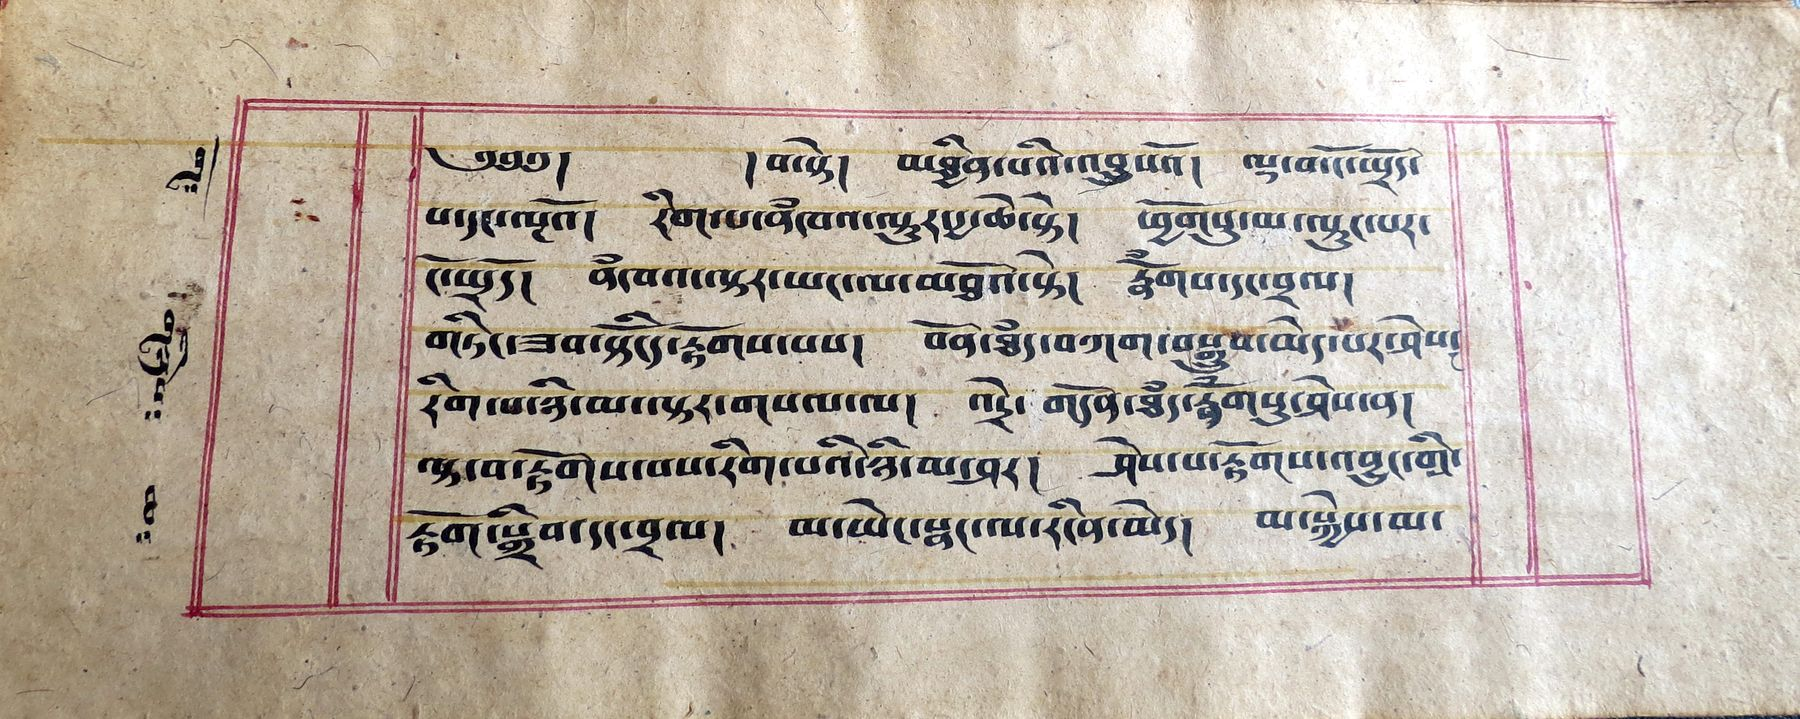བ་སྟེ། མཐར་ཕྱིན་པའི་འབྲས་བུའོ། ། ལྟ་བ་ངོ་སྤྲད་
པ་དང་ལྔའོ། ། རིག་པ་ནམ་མཁའ་ལྟ་བུར་རྒྱ་ཆེ་སྟེ། ཕྱོགས་སུ་མ་ལྷུང་བར་
ངོ་སྤྲོད། ནམ་མཁའ་ལྟར་ཡངས་ལ་མཐོ་སྟེ། རྣམ་རྟོག་དང་བྲལ། 
གཏིང་ཟབ་སྟོང་ཉིད་རྟོགས་པས། བོན་ཐམས་ཅད་བཀག་སྒྲུབ་མེད་པར་ཤེས། 
རིག་པ་ཉི་མ་ལྟར་གསལ་ལ། འདྲེ་གདོན་ཐམས་ཅད་རྣམ་རྟོག་ཏུ་ཤེས་ན། 
ལྟ་བ་རྟོགས་པས་རིག་པའི་ཉི་མ་ཤར། ཤེས་པ་རྟོག་འབྱུང་གི་
རྟོག་སྒྲིབ་དང་བྲལ། མ་ཡེངས་སྣང་ལ་རང་བཞིན་མེད། མ་སྐྱེས་མ་